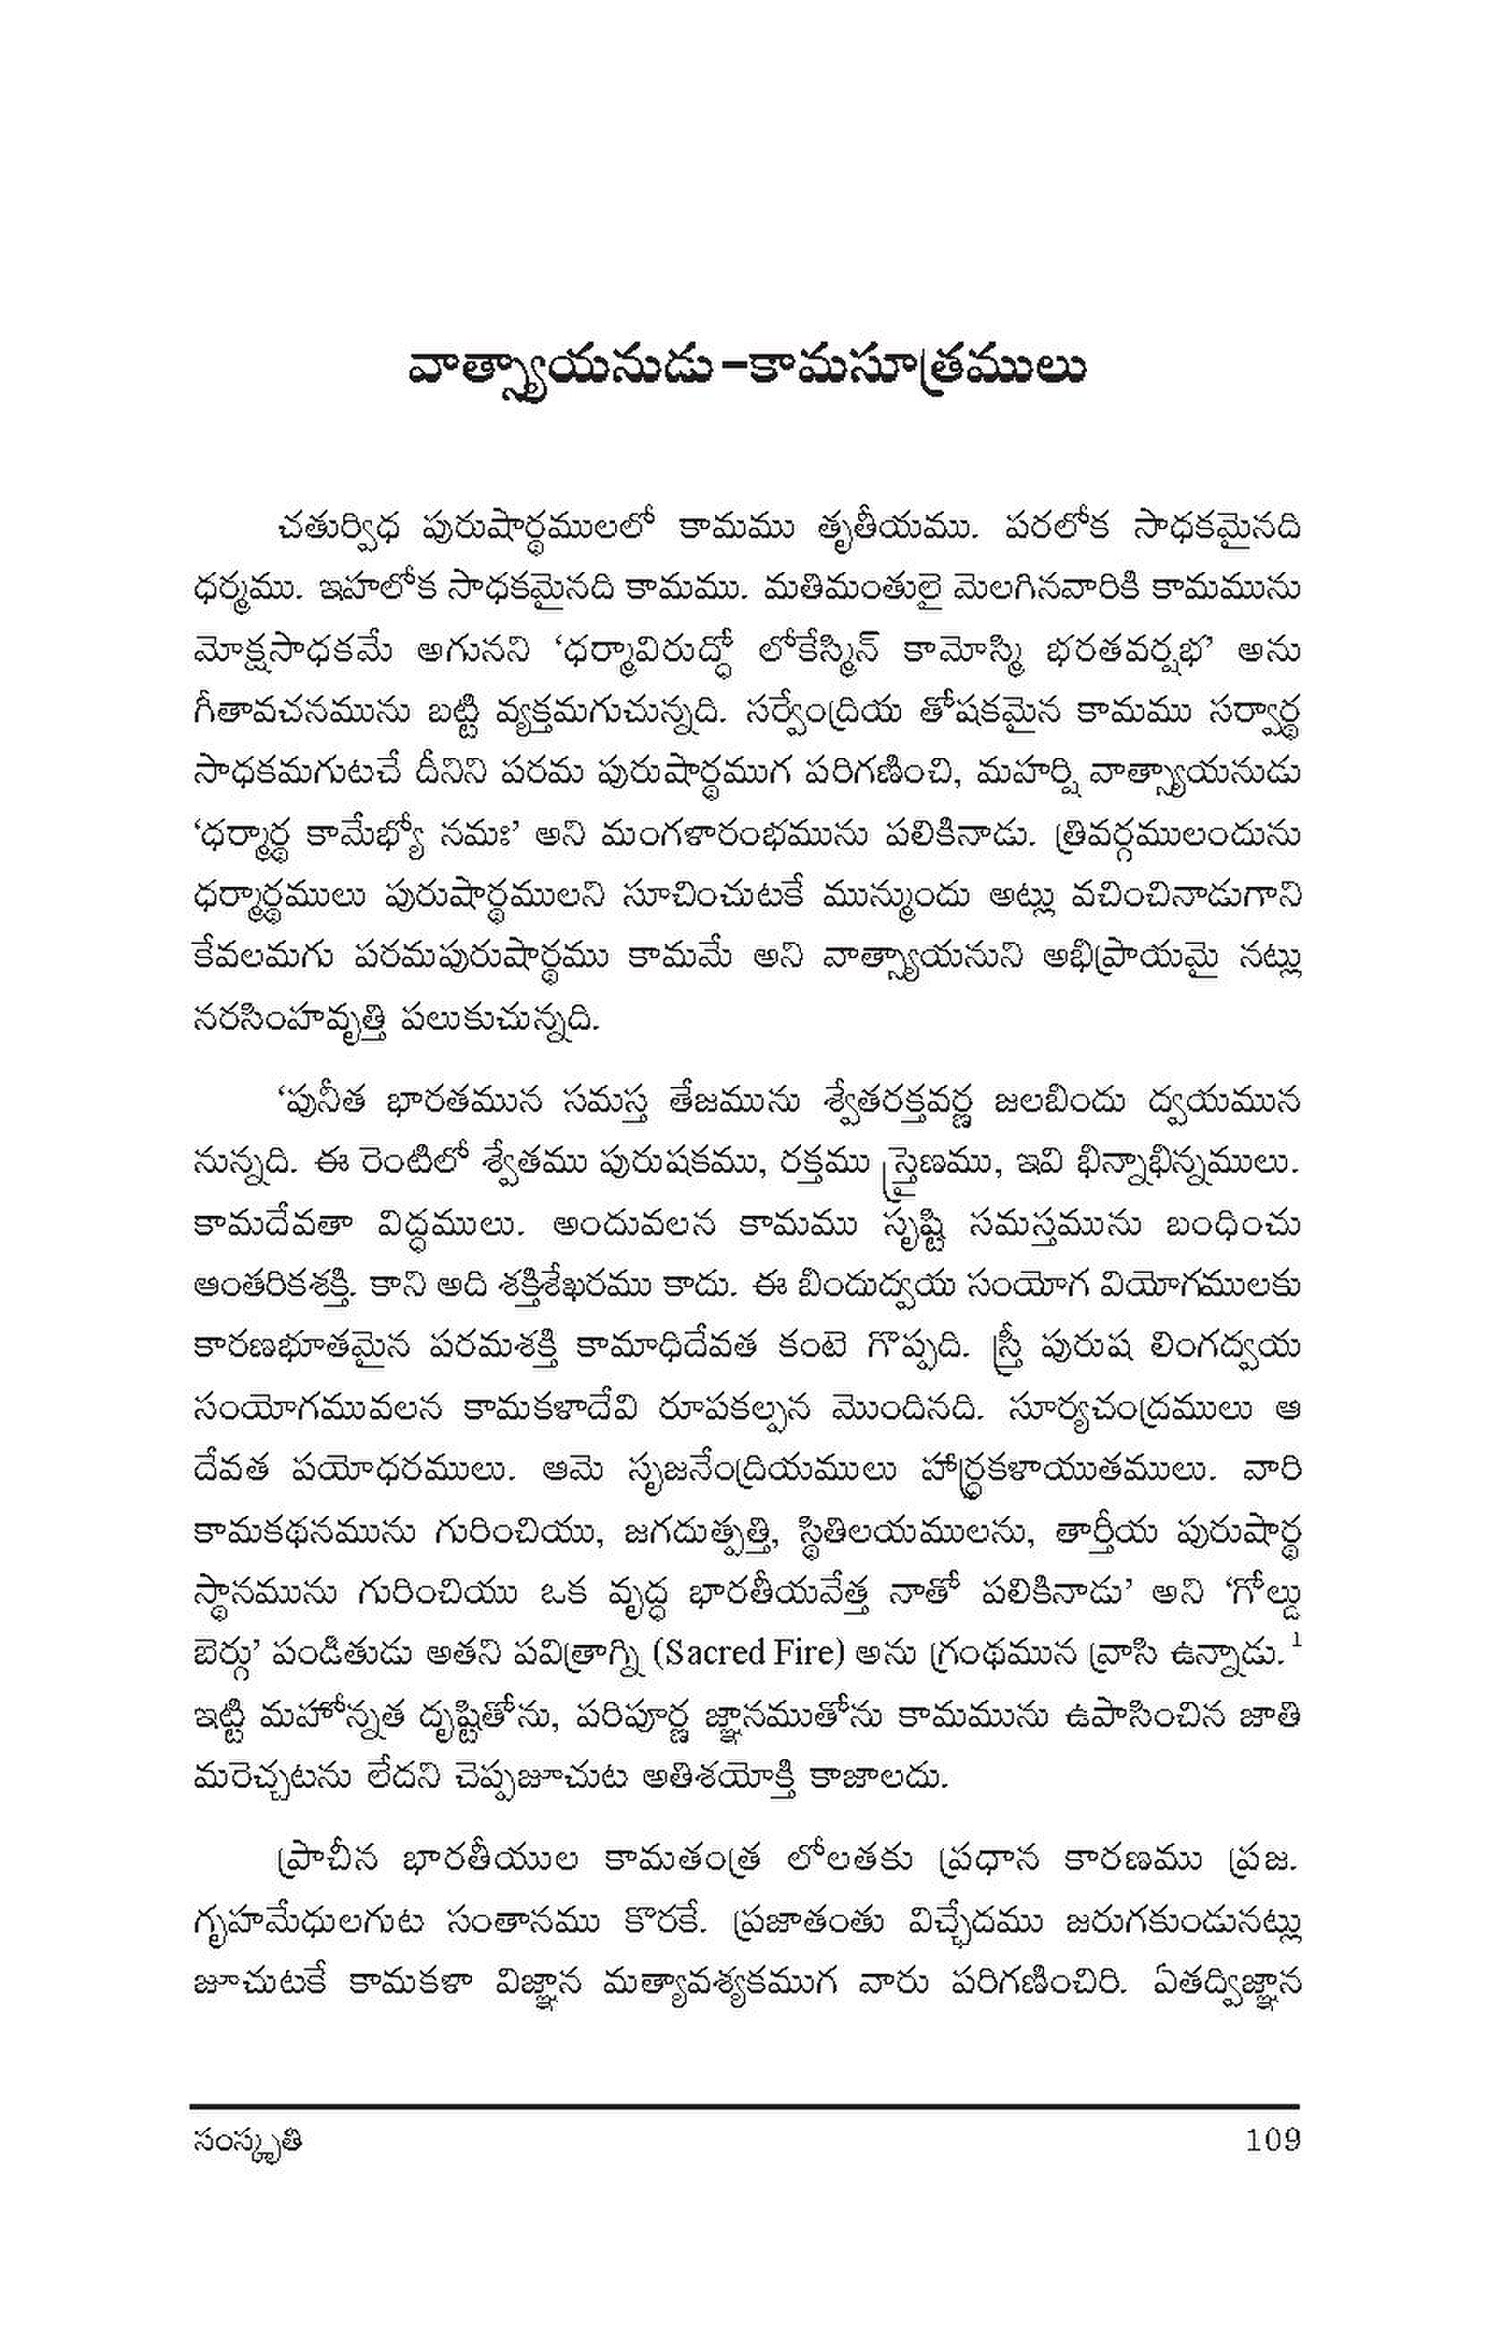చతుర్విధ పురుషార్థములలో కామము తృతీయము. పరలోక సాధకమైనది
ధర్మము. ఇహలోక సాధకమైనది కామము. మతిమంతులై మెలగినవారికి కామమును
మోక్షసాధకమే అగునని 'ధర్మావిరుద్ధో లోకేస్మిన్ కామోస్మి భరతవర్షభ' అను
గీతావచనమును బట్టి వ్యక్తమగుచున్నది. సర్వేంద్రియ తోషకమైన కామము సర్వార్థ
సాధకమగుటచే దీనిని పరమ పురుషార్థముగ పరిగణించి, మహర్షి వాత్స్యాయనుడు
'ధర్మార్థ కామేభ్యో నమః' అని మంగళారంభమును పలికినాడు. త్రివర్గములందును
ధర్మార్థములు పురుషార్థములని సూచించుటకే మున్ముందు అట్లు వచించినాడుగాని
కేవలమగు పరమపురుషార్థము కామమే అని వాత్స్యాయనుని అభిప్రాయమై నట్లు
నరసింహవృత్తి పలుకుచున్నది.

'పునీత భారతమున సమస్త తేజమును శ్వేతరక్తవర్ణ జలబిందు ద్వయమున
నున్నది. ఈ రెంటిలో శ్వేతము పురుషకము, రక్తము స్త్రైణము, ఇవి భిన్నాభిన్నములు.
కామదేవతా విధ్ధములు. అందువలన కామము సృష్టి సమస్తమును బంధించు
అంతరికశక్తి. కాని అది శక్తిశేఖరము కాదు. ఈ బిందుద్వయ సంయోగ వియోగములకు
కారణభూతమైన పరమశక్తి కామాధిదేవత కంటె గొప్పది. స్త్రీ పురుష లింగద్వయ
సంయోగమువలన కామకళాదేవి రూపకల్పన మొందినది. సూర్యచంద్రములు ఆ
దేవత పయోధరములు. ఆమె సృజనేంద్రియములు హార్ధకళాయుతములు. వారి
కామకథనమును గురించియు, జగదుత్పత్తి, స్థితిలయములను, తార్తీయ పురుషార్థ
స్థానమును గురించియు ఒక వృద్ధ భారతీయవేత్త నాతో పలికినాడు' అని 'గోల్డు
బెర్గు’ పండితుడు అతని పవిత్రాగ్ని (Sacred Fire) అను గ్రంథమున వ్రాసి ఉన్నాడు. '
ఇట్టి మహోన్నత దృష్టితోను, పరిపూర్ణ జ్ఞానమును కామమును ఉపాసించిన జాతి
మరెచ్చటను లేదని చెప్పజూచుట అతిశయోక్తి కాజాలదు.

ప్రాచీన భారతీయుల కామతంత్ర లోలతకు ప్రధాన కారణము ప్రజ.
గృహమేధులగుట సంతానము కొరకే. ప్రజాతంతు విచ్ఛేదము జరుగకుండునట్లు
జూచుటకే కామకళా విజ్ఞాన మత్యావశ్యకముగ వారు పరిగణించిరి. ఏతద్విజ్ఞాన